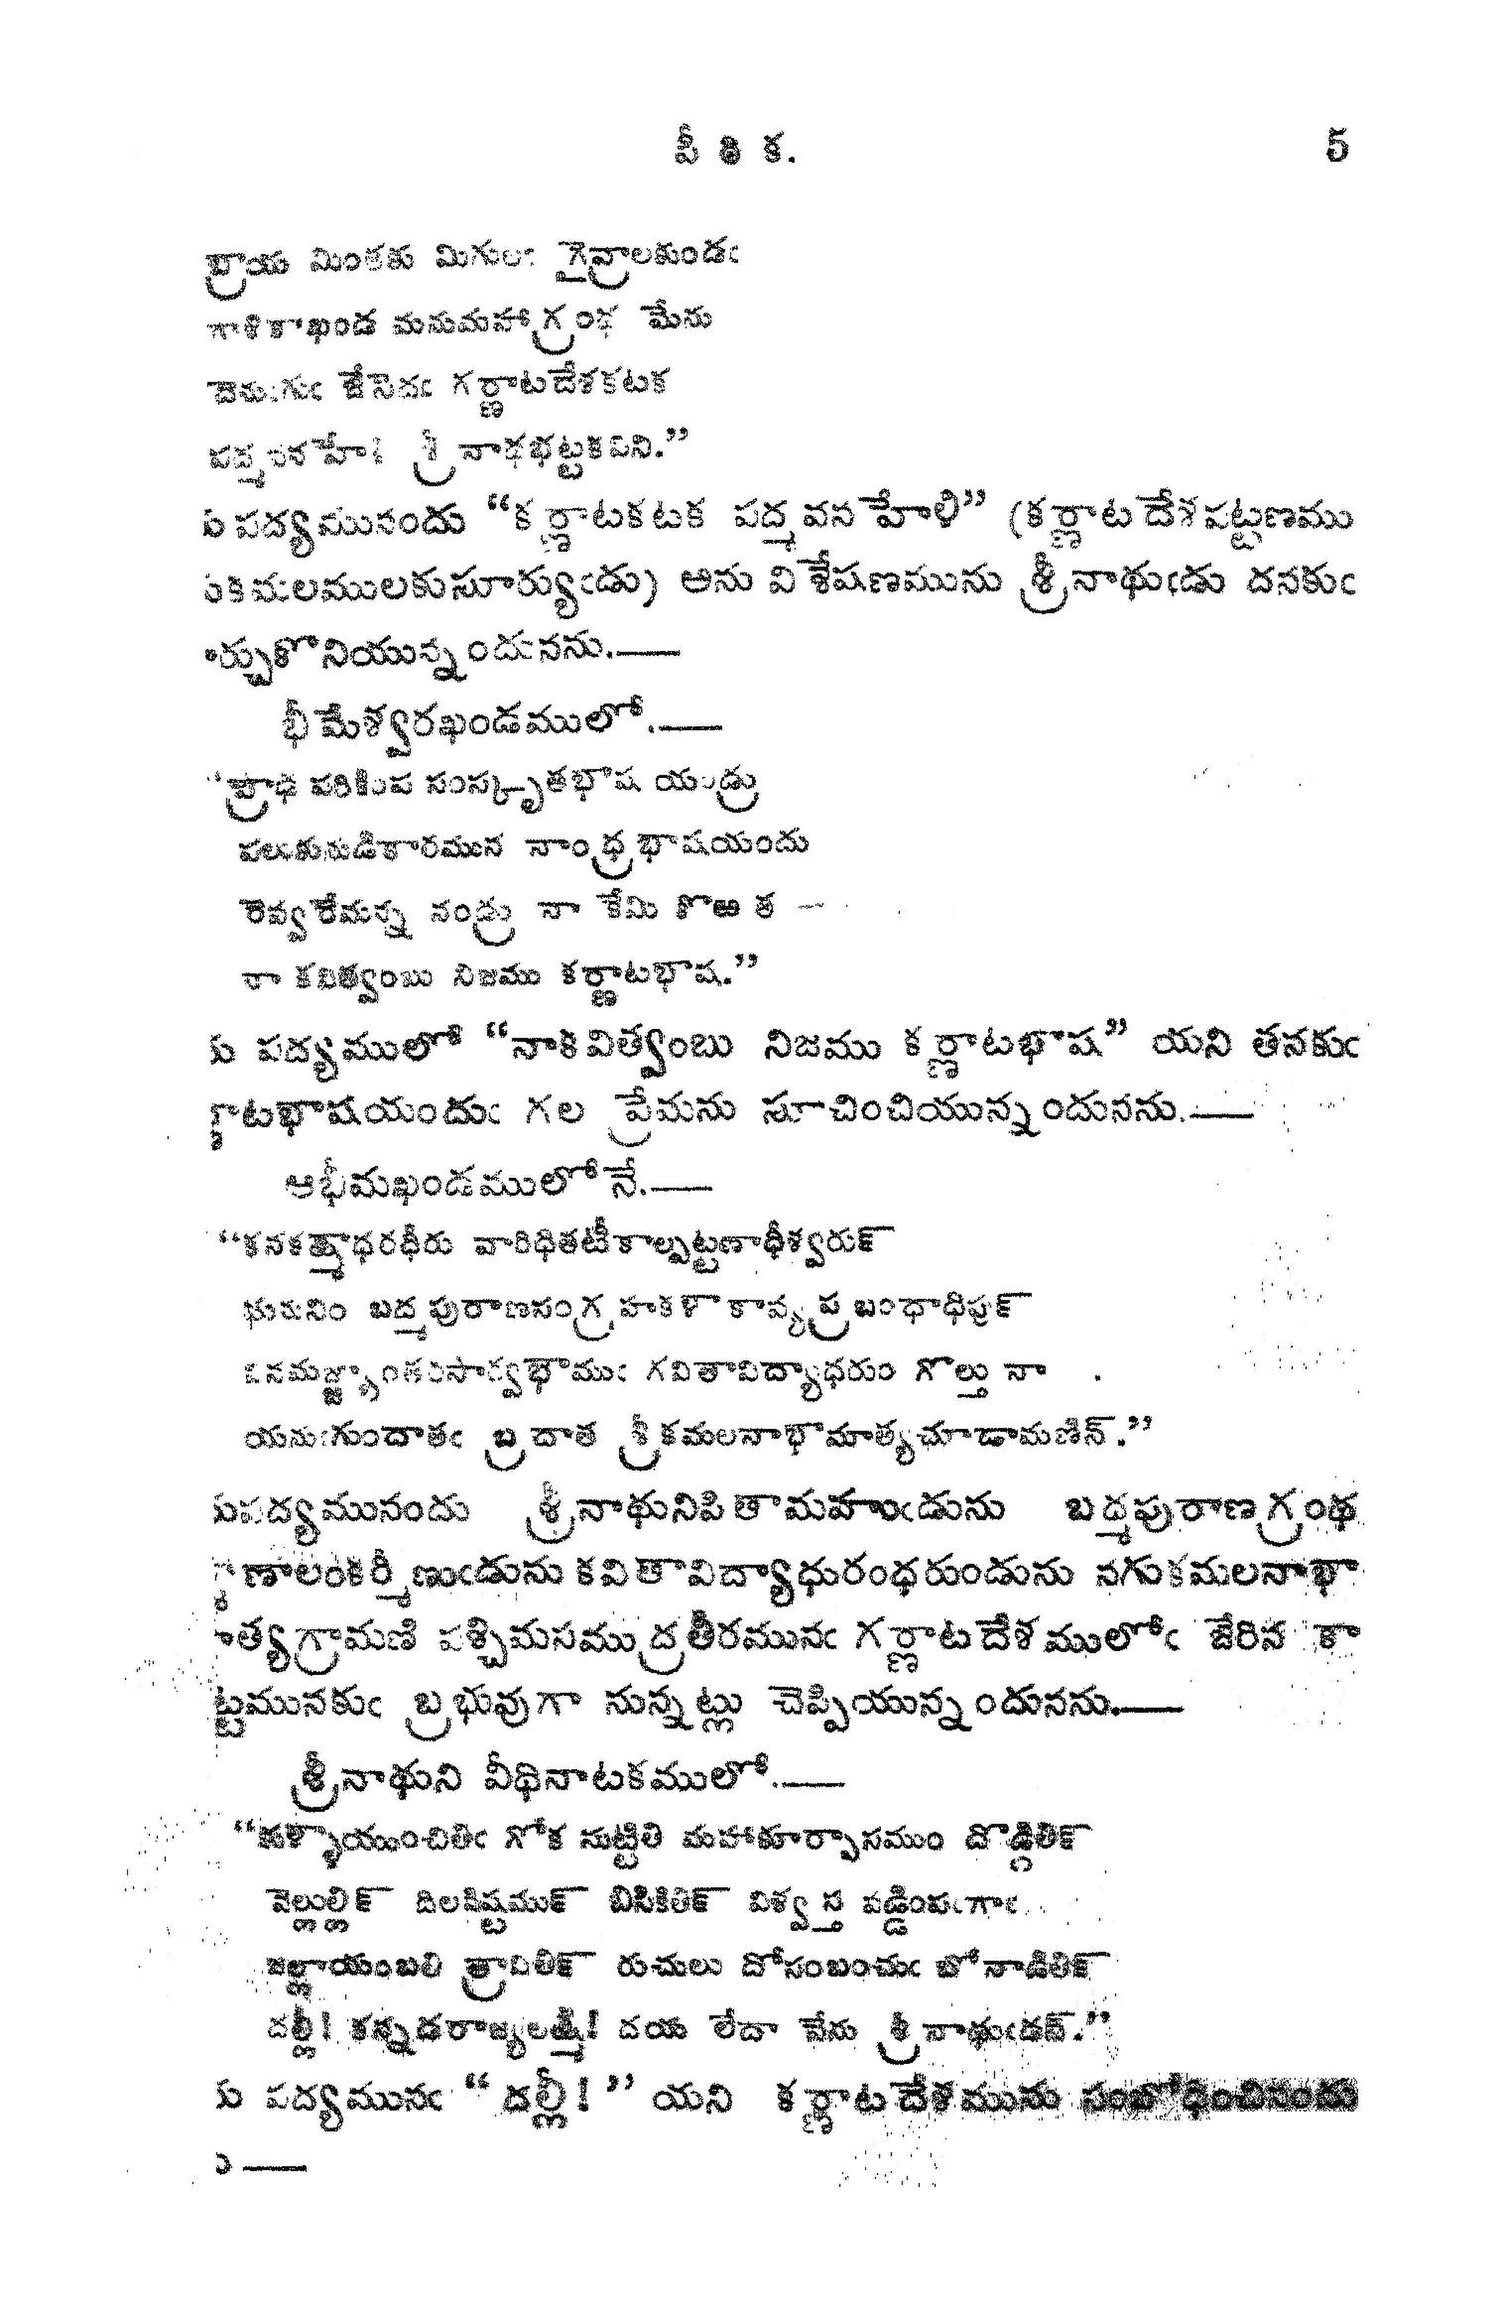బ్రాయ మింతకు మిగులఁ గైవ్రాలకుండఁ 
గాశికాఖండ మనుమహాగ్రంథ మేను 
దెనుఁగుఁ జేసెదఁ గర్ణాటదేశకటక 
పద్మవనహేళి శ్రీనాథభట్టకవిని.”
—పద్యమునందు “కర్ణాటకటక పద్మవనహేళి” (కర్ణాటదేశపట్టణమున కమలములకు సూర్యుఁడు) అను విశేషణమును శ్రీనాథుఁడు దనకుఁ కూర్చుకొనియున్నందునను—

భీమేశ్వరఖండములో— 

"ప్రౌడ పరికింప సంస్కృతభాష యండ్రు 
పలుకునుడికారమున నాంధ్రభాషయందు 
రెవ్వరేమన్న నండ్రు నా కేమి కొఱత 
నా కవిత్వంబు నిజము కర్ణాటభాష.” 
—పద్యములో “నాకవిత్వంబు నిజము కర్ణాటభాష” యని తనకుఁ కర్ణాటభాషయందుఁ గల ప్రేమను సూచించియున్నందునను—

ఆభీమఖండములోనే— 

"కనకక్ష్మాధరధీరు వారిధితటీకాల్పట్టణాధీశ్వరున్ 
ఘనునిం బద్మపురాణసంగ్రహకళాకావ్యప్రబంధాధిఫున్ 
వినమజ్జ్యాంతరసార్వభౌముఁ గవితావిద్యాధరుం గొల్తు నా 
యనుఁగుందాతఁ బ్రదాత శ్రీకమలనాభామాత్య చూడామణిన్.” 
—పద్యమునందు శ్రీనాథునిపితామహుడును బద్మపురాణగ్రంథనిర్మాణాలంకర్మీణుఁడును కవితావిద్యాధురంధరుండును నగుకమలనాభామాత్యగ్రామణి పశ్చిమసముద్రతీరమునఁ గర్ణాటదేశములోఁ జేరిన కాల్పట్టమునకుఁ బ్రభువుగా నున్నట్లు చెప్పియున్నందునను—

శ్రీనాథుని వీథినాటకములో— 

"కుళ్ళాయుంచితిఁ గోక సుట్టితి మహాకూర్పాసముం దొడ్గితిన్
వెల్లుల్లిన్ దిలపిష్టమున్ బిసికితిన్ విశ్వస్త వడ్డింపఁగాఁ 
జల్లాయంబలి త్రావితిన్ రుచులు దోసంబంచుఁ బోనాడితిన్
దల్లీ! కన్నడరాజ్యలక్ష్మి! దయ లేదా నేను శ్రీనాథుఁడన్." 
—పద్యమునఁ "దల్లీ!” యని కర్ణాటదేశమును సంబోధించినందునను—